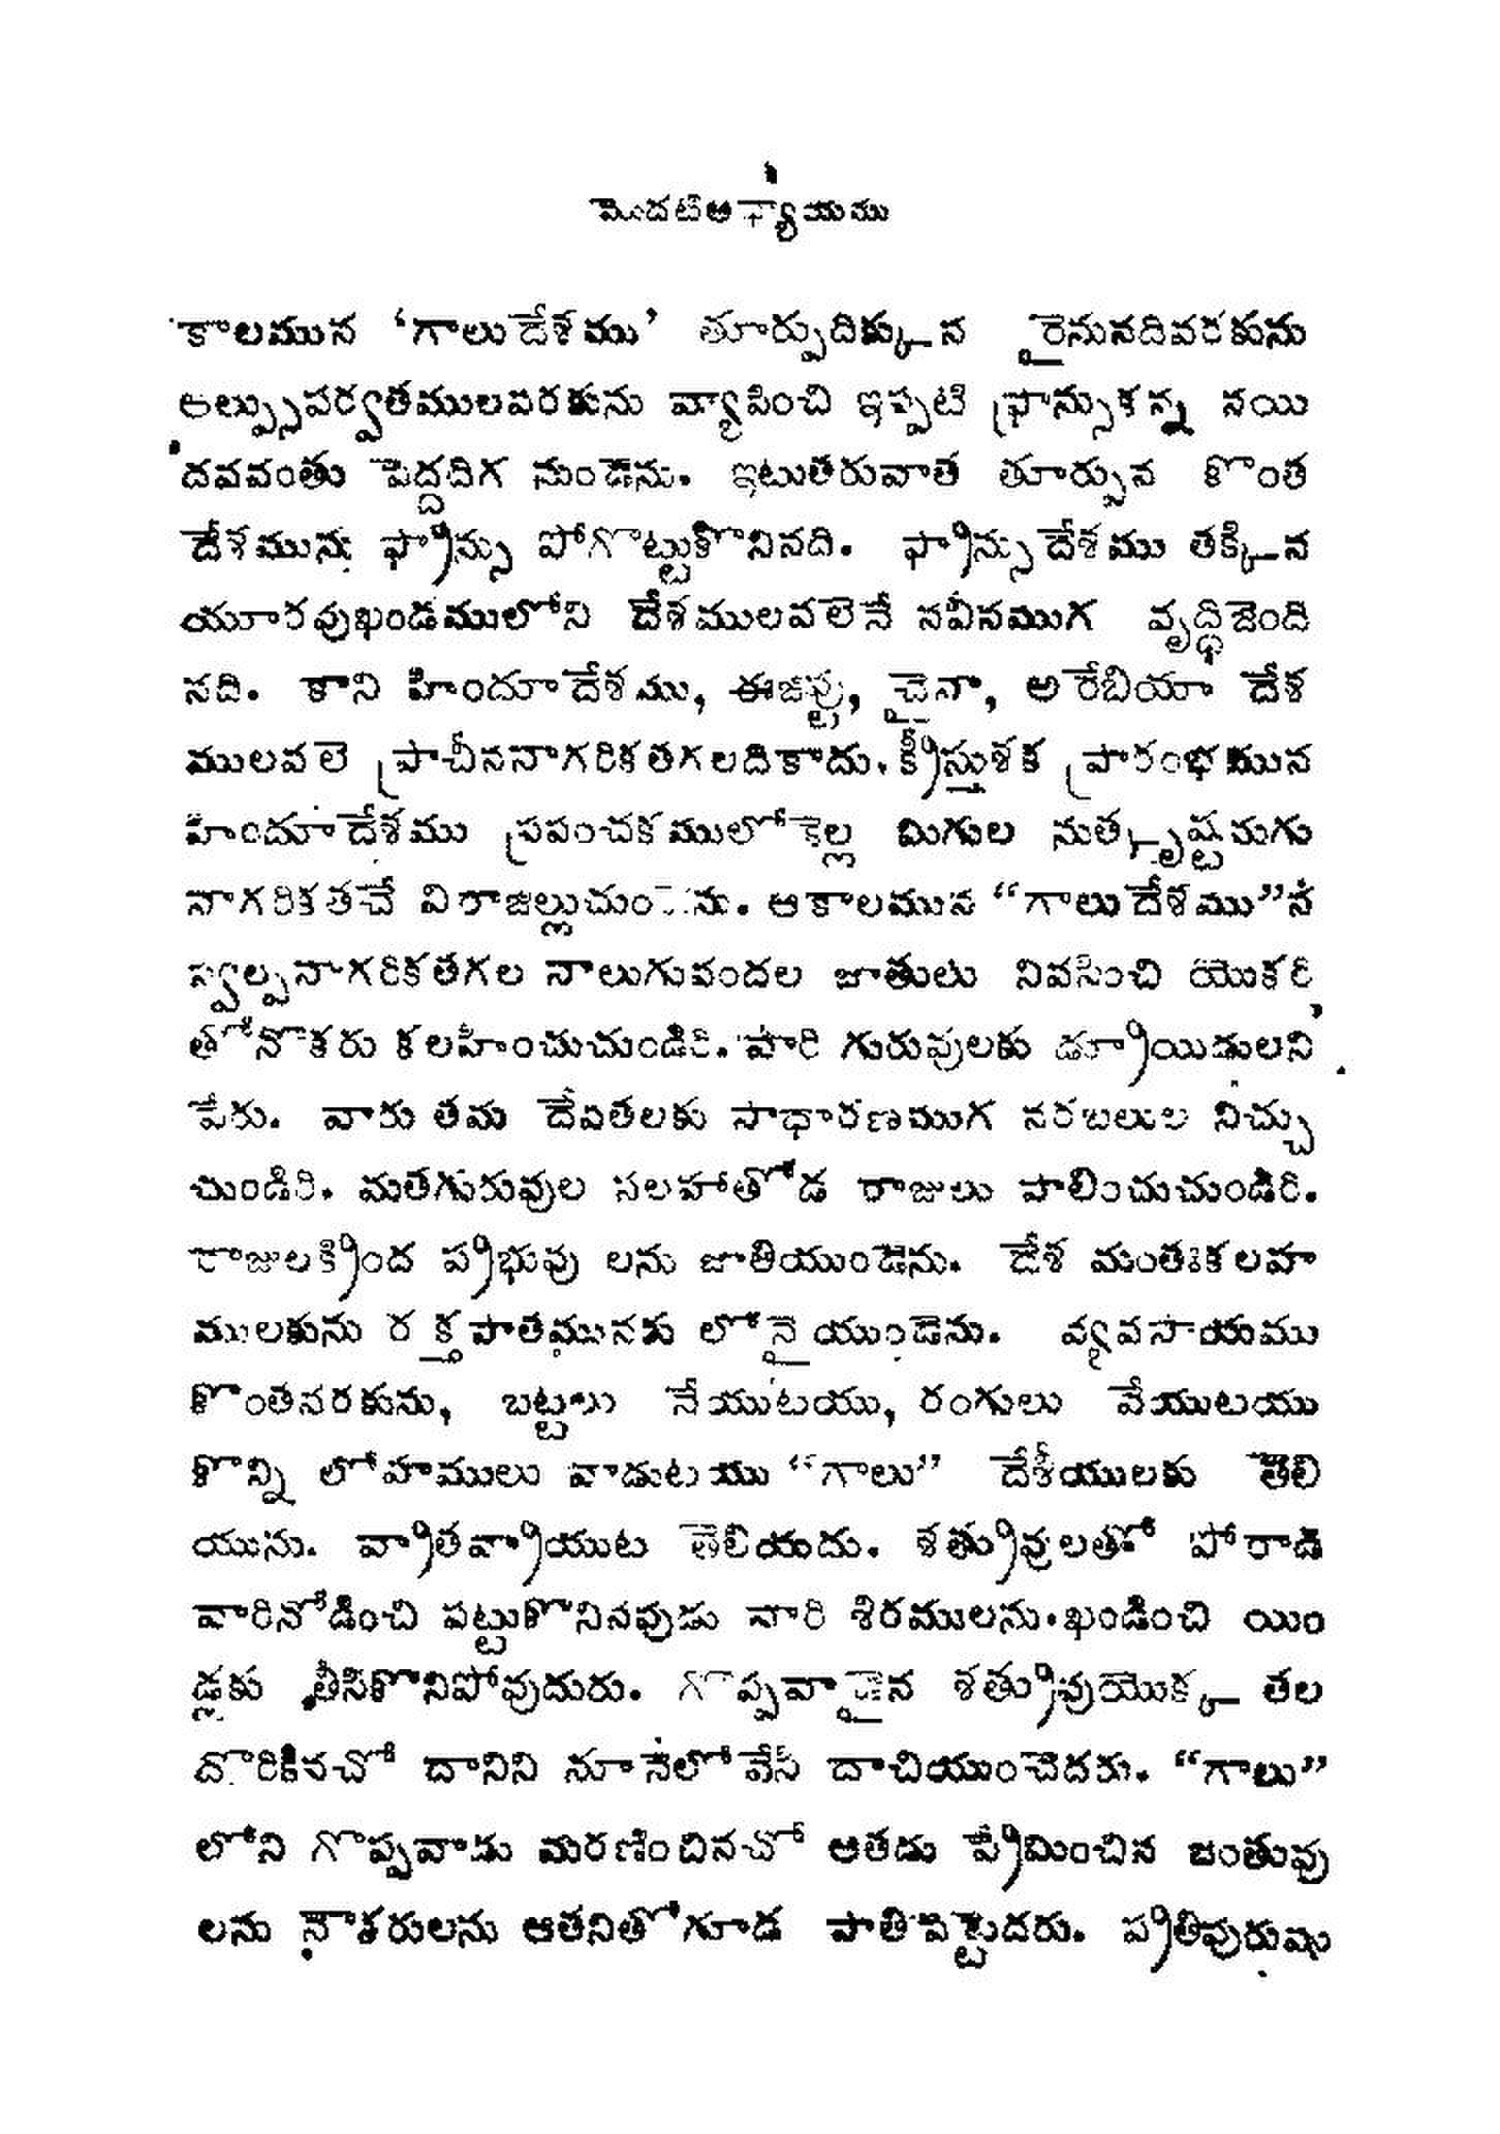'కాలమున 'గాలు దేశము' తూర్పుదిక్కున రైనునదివరకును
అల్బ్సుపర్వతములపరకును వ్యాపించి ఇప్పటి ఫ్రాన్సుకన్న నయి
'దవవంతు పెద్దదిగ నుండెను. ఇటుతరువాత తూర్పున కొంత
దేశమును ప్రాన్సు పోగొట్టుకొనినది. ఫ్రాన్సు దేశము తక్కిన
యూరవుఖండములోని దేశములవలెనే సవీనముగ వృద్ధి జెంది
సది. కాని హిందూ దేశము, ఈజిప్టు, చైనా, అరేబియా దేశ
ములవలె ప్రాచీన నాగరిక తగలది కాదు. క్రీస్తుశక ప్రారంభమున
హిందూదేశము ప్రపంచక ములో కెల్ల మిగుల నుత్కృష్టనుగు
నాగరికతచే విరాజిల్లుచుం డెను. ఆ కాలమున “గాలు దేశము”న
స్వల్పసొగరిక తగల నాలుగువందల జూతులు నివసించి యొకరి
తో నొకరు కలహించుచుండిరి. పారి గురువులకు డ్రూయిడులని ,
పేరు. వారు తమ దేవతలకు సాధారణముగ నరబలు నిచ్చు
చుండిరి. మతగురువుల సలహాతోడ రాజులు పాలించుచుండిరి.
రాజుల కింద ప్రభువు లను జూతియుండెను. దేశ మంతఃకలహ
ములకును రక్తపాతమునకు లోనై యుండెను. వ్యవసాయము
కొంతవరకును, బట్టలు నేయుటయు, రంగులు వేయుటయు
కొన్ని లోహములు వాడుటయు “ గాలు" దేశీయులకు తెలి
యును. వ్రాత వాయుట తెలియదు. శత్రువులతో పోరాడి
వారినోడించి పట్టుకొనినవుడు వారీ శిరములను ఖండించి యిం
డ్లకు తీసికొనిపోవుదురు. గొప్పవాడైన శత్రువు యొక్క తల
దొరికినచో దానిని నూనెలో వేసి దాచియుంచెదరు. "గాలు”
లోని గొప్పవాడు మరణించినచో ఆతడు ప్రేమించిన జంతువు
లను నౌకరులను ఆతనితో గూడ పాతి పెట్టెదరు. ప్రతివురుషు